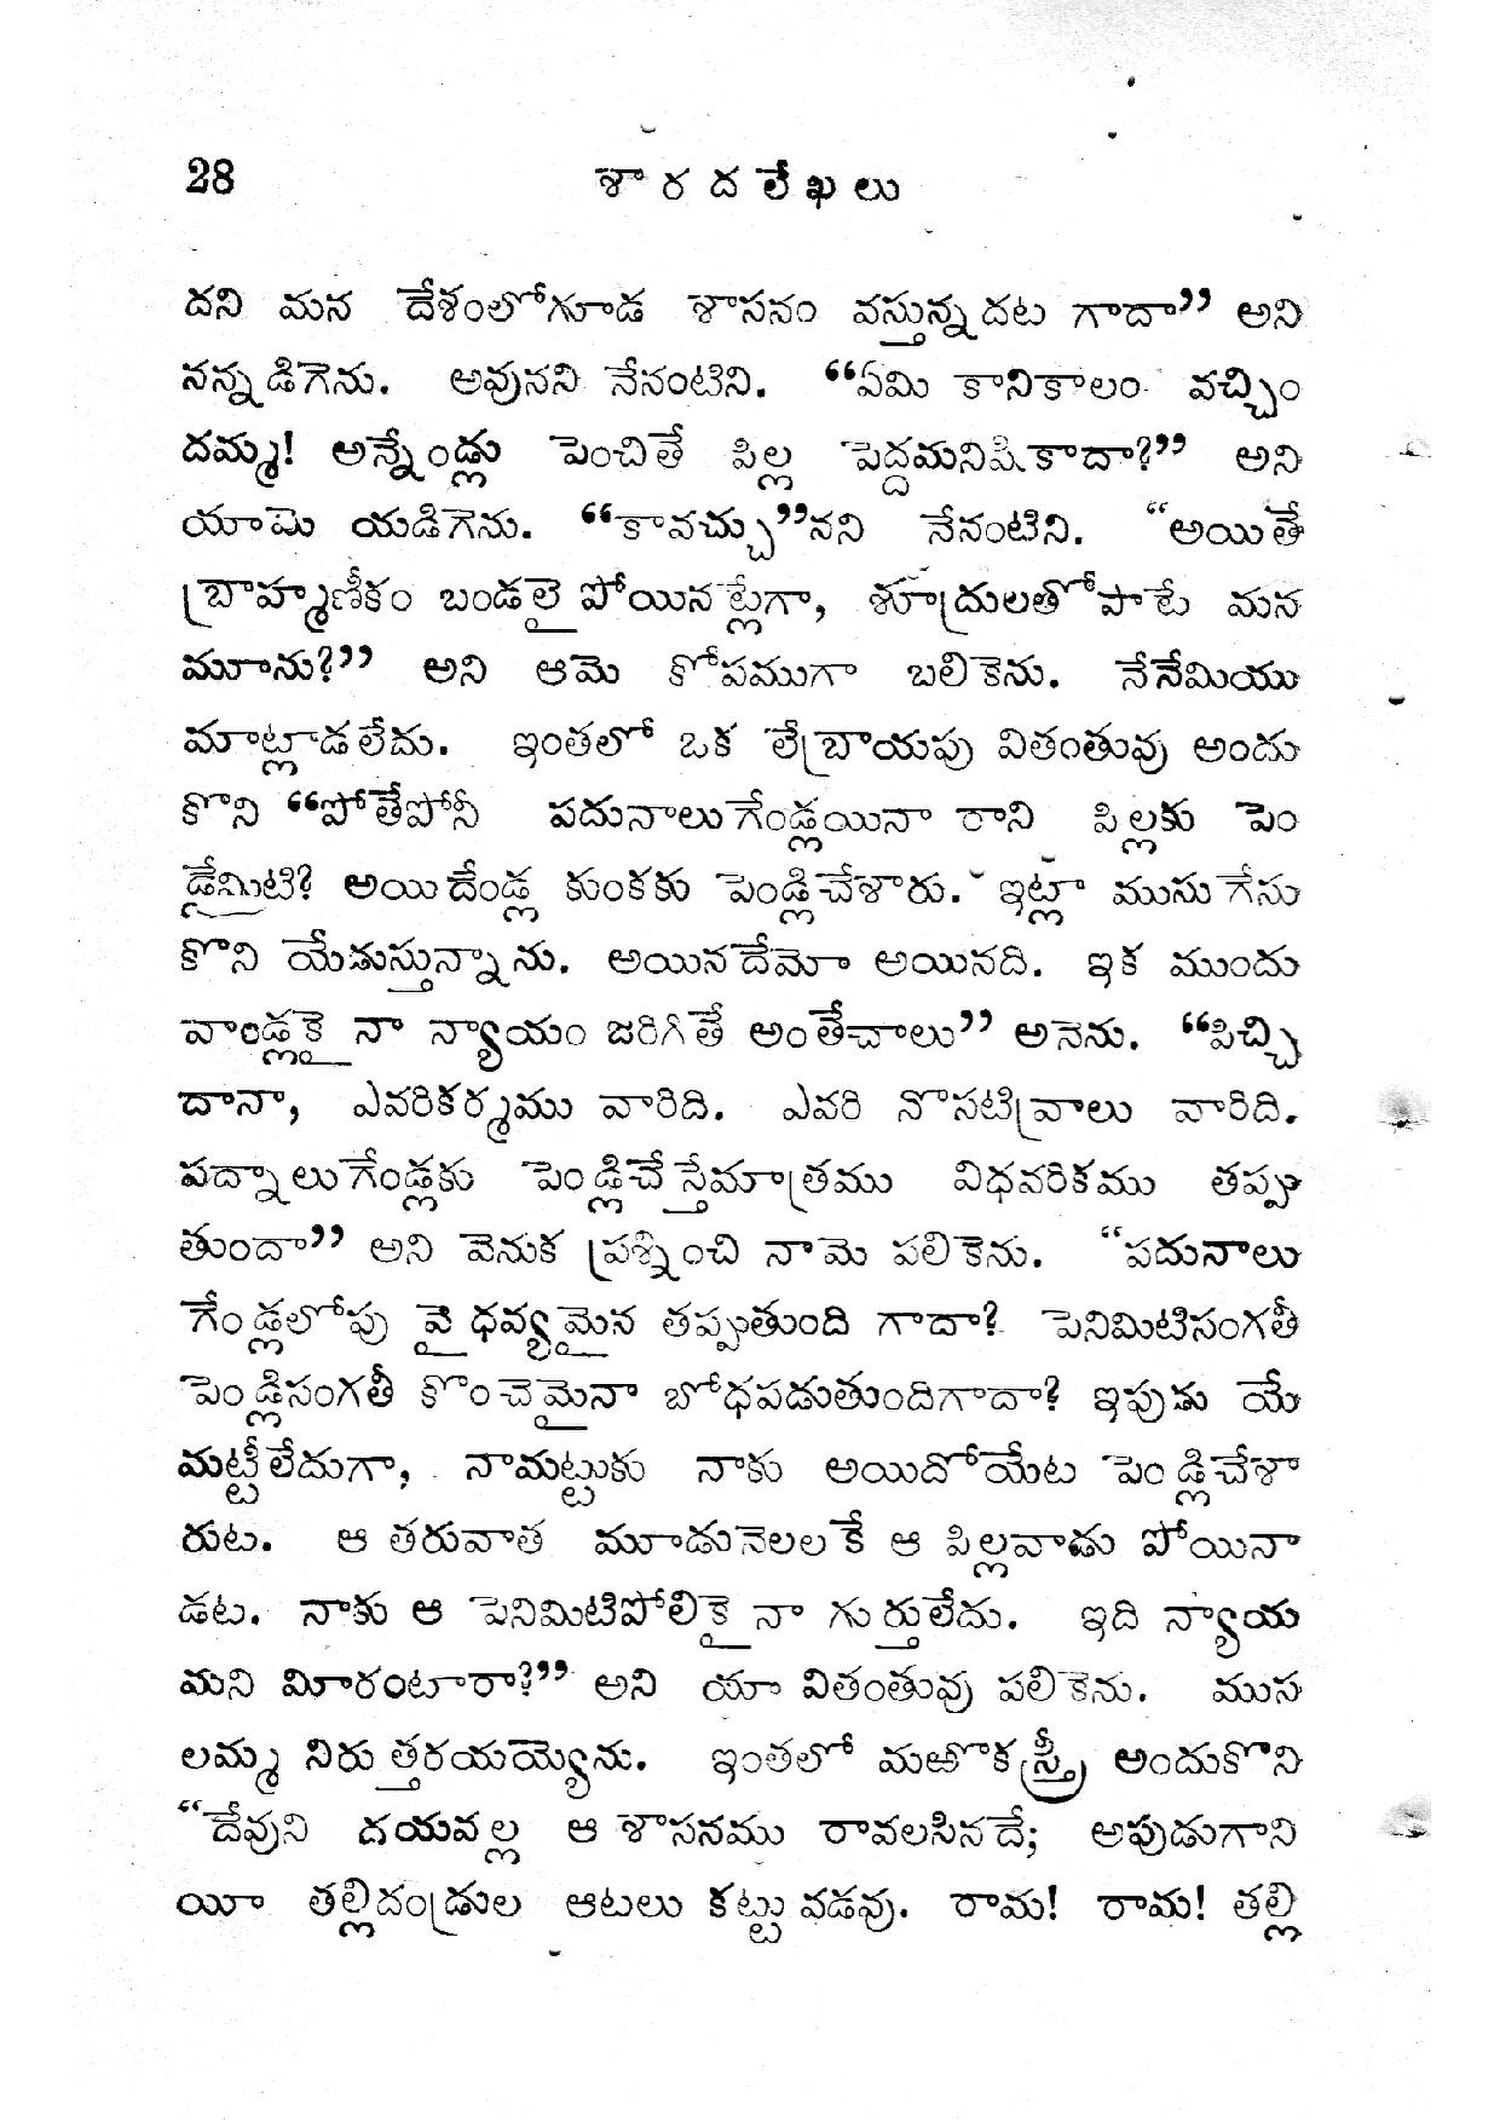దని మన దేశంలోగూడ శాసనం వస్తున్నదట గాదా” అని నన్నడిగెను. అవునని నేనంటిని. “ఏమి కానికాలం వచ్చిందమ్మ! అన్నేండ్లు పెంచితే పిల్ల పెద్దమనిషికాదా?” అని యామె యడిగెను. “కావచ్చు”నని నేనంటిని. "అయితే బ్రాహ్మణీకం బండలైపోయినట్లేగా, శూద్రులతోపాటే మనమూను?" అని ఆమె కోపముగా బలికెను. నేనేమియు మాట్లాడలేదు. ఇంతలో ఒక లేబ్రాయపు వితంతువు అందుకొని "పోతేపోనీ పదునాలుగేండ్లయినా రాని పిల్లకు పెండ్లేమిటి? అయిదేండ్ల కుంకకు పెండ్లిచేశారు. ఇట్లా ముసుగేసుకొని యేడుస్తున్నాను. అయినదేమో అయినది. ఇక ముందు వాండ్లకైనా న్యాయం జరిగితే అంతేచాలు” అనెను. “పిచ్చిదానా, ఎవరికర్మము వారిది. ఎవరి నొసటివ్రాలు వారిది. పద్నాలుగేండ్లకు పెండ్లిచేస్తేమాత్రము విధవరికము తప్పుతుందా” అని వెనుక ప్రశ్నించి నామె పలికెను. “పదునాలుగేండ్లలోపు వైధవ్యమైన తప్పుతుంది గాదా? పెనిమిటిసంగతీ పెండ్లిసంగతీ కొంచెమైనా బోధపడుతుందిగాదా? ఇపుడు యే మట్టీలేదుగా, నామట్టుకు నాకు అయిదోయేట పెండ్లిచేశారుట. ఆ తరువాత మూడునెలలకే ఆ పిల్లవాడు పోయినాడట. నాకు ఆ పెనిమిటిపోలికైనా గుర్తులేదు. ఇది న్యాయమని విూరంటారా?” అని యా వితంతువు పలికెను. ముసలమ్మ నిరుత్తరయయ్యెను. ఇంతలో మఱొకస్త్రీ అందుకొని "దేవుని దయవల్ల ఆ శాసనము రావలసినదే; అపుడుగాని యీ తల్లిదండ్రుల ఆటలు కట్టువడవు. రామ! రామ! తల్లి